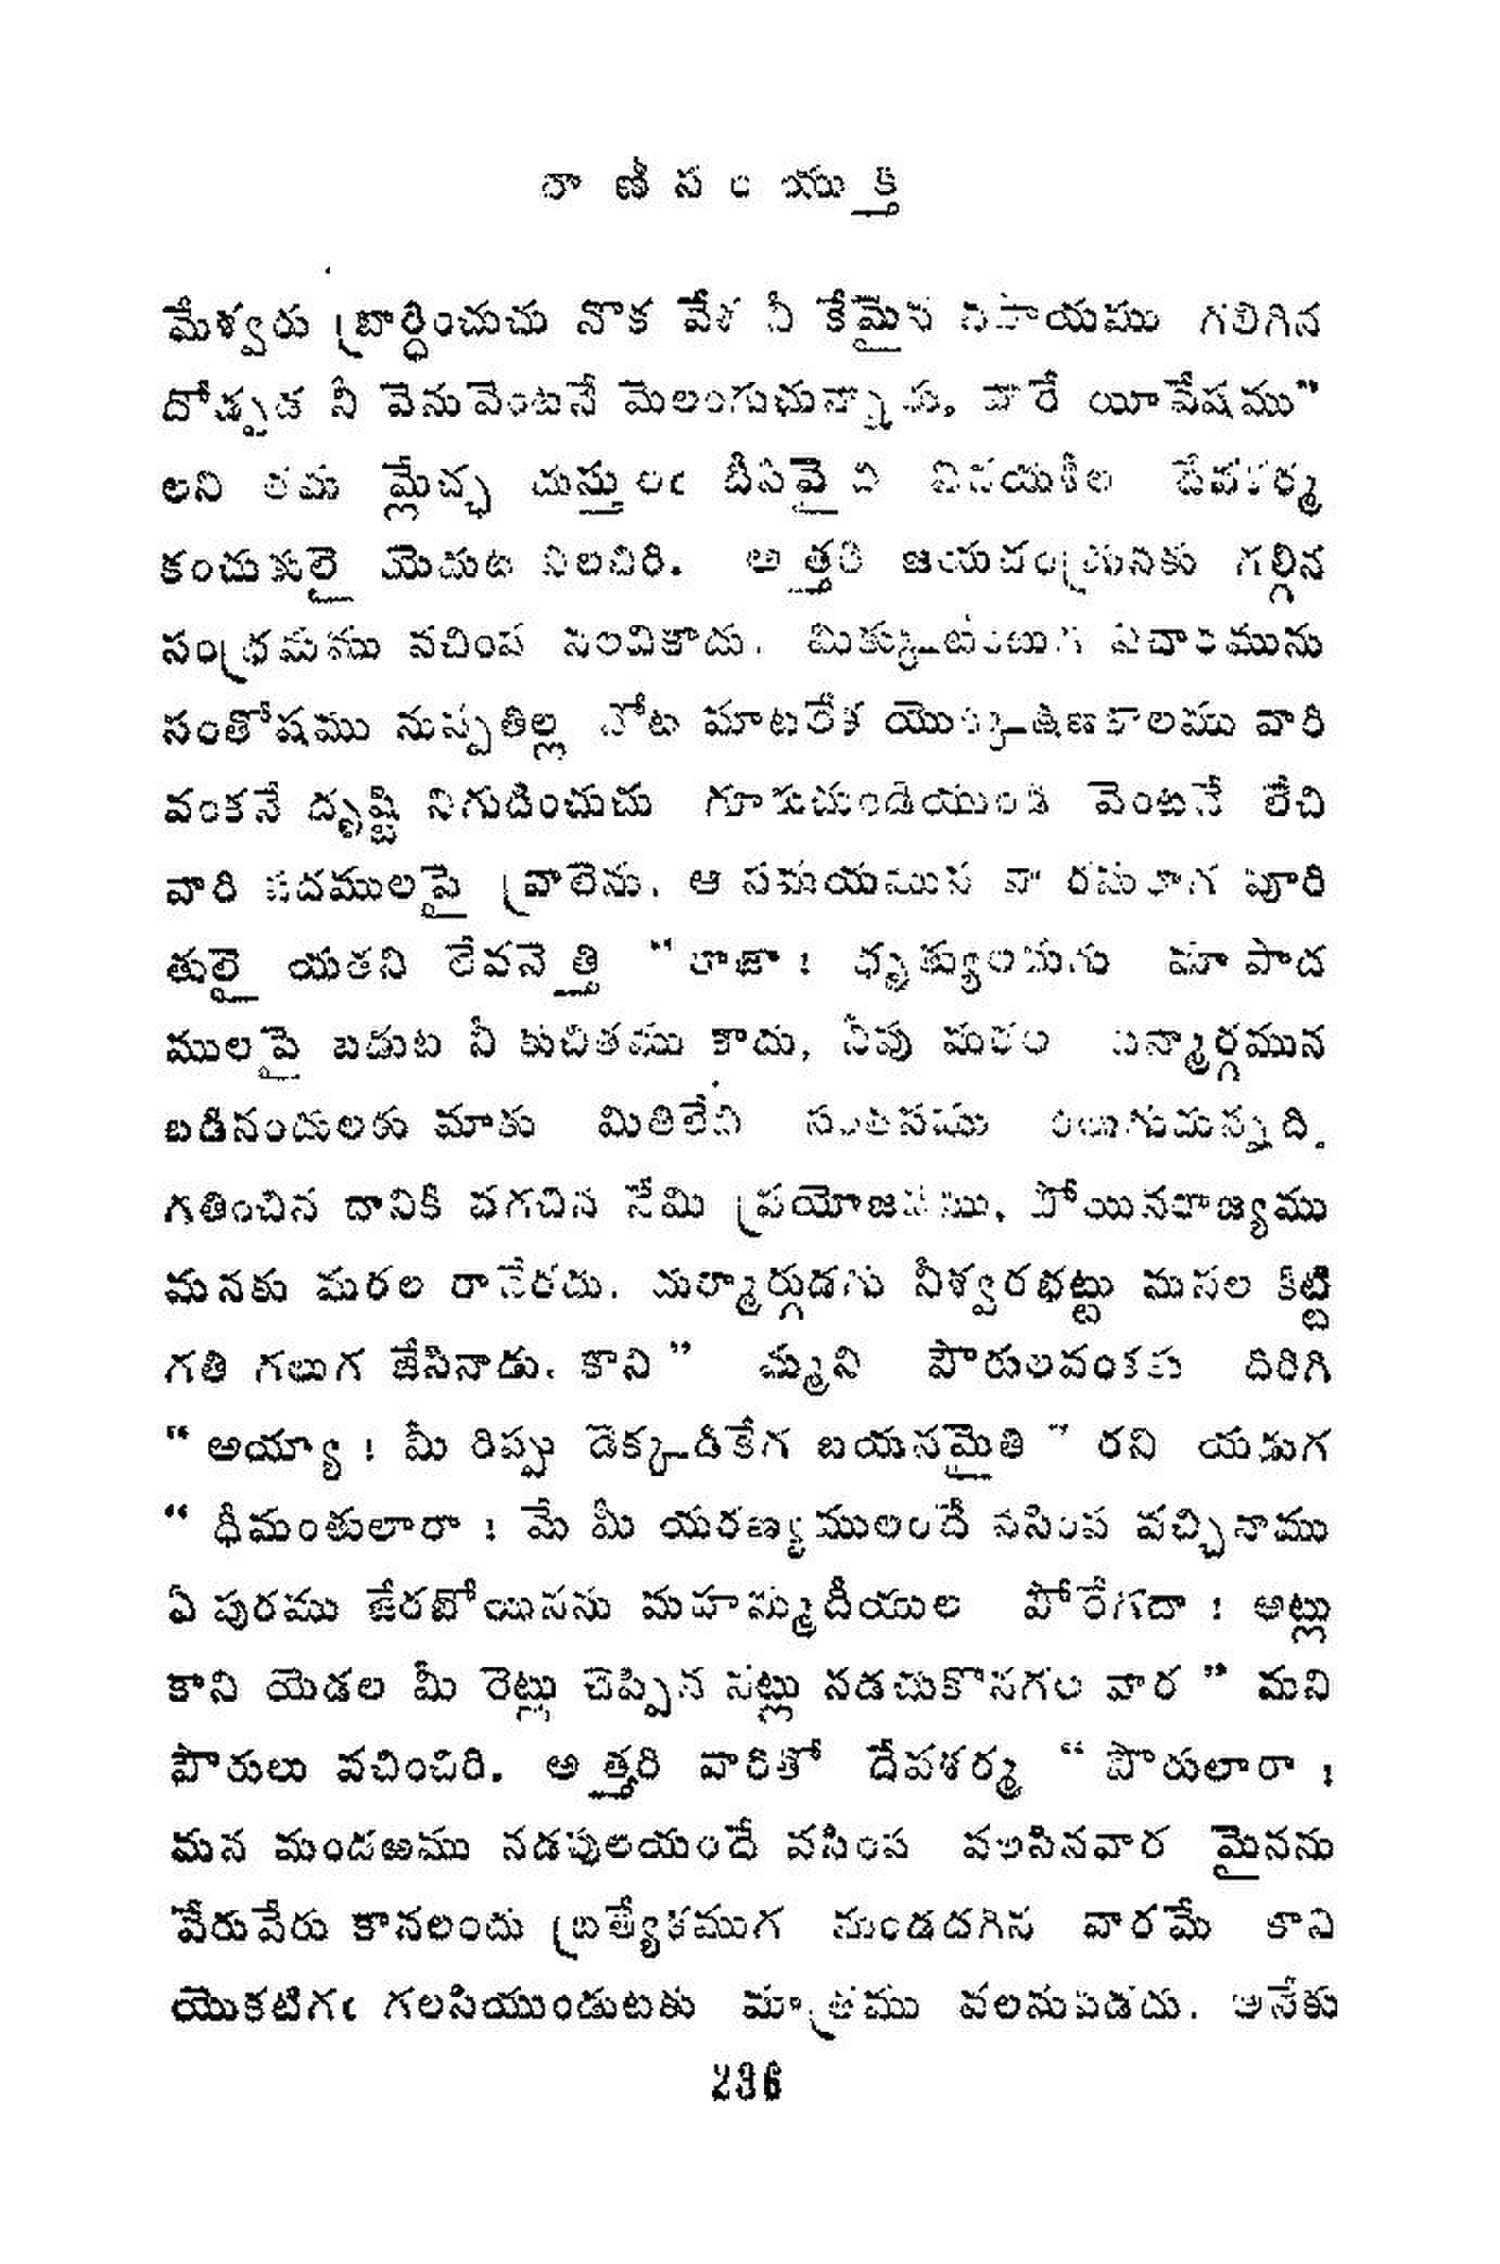మేశ్వరు బ్రార్ధించుచు నొక వేళ నీ కేమైన నపాయము గలిగిన దోడ్పడ నీ వెనువెంటనే మెలంగుచున్నారు. వారే యీవేషము" లని తమ మ్లేచ్ఛ దుస్తులఁ దీసివైచి వినయశీల దేవశర్మ కంచుకులై యెదుట నిలచిరి. అత్తరి జయచంద్రునకు గల్గిన సంభ్రమము వచింప నలవికాదు. మిక్కుటంబుగ విచారమును సంతోషము నుప్పతిల్ల నోట మాటరాక యొక్కక్షణకాలము వారి వంకనే దృష్టి నిగుడించుచు గూరుచుండియుండ వెంటనే లేచి వారి పదములపై వ్రాలెను. ఆ సమయమున వారనురాగ పూరితులై యతని లేవనెత్తి "రాజా ! ధృత్యుందగు మా పాదములపై బడుట నీ కుచితము కాదు, నీవు మరల సన్మార్గమున బడినందులకు మాకు మితిలేని సంతసము గలుగుచున్నది. గతించిన దానికి వగచిన నేమి ప్రయోజనము, పోయినరాజ్యము మనకు మరల రానేరదు. దుర్మార్గుడగు నీశ్వరభట్టు మనల కిట్టి గతి గలుగ జేసినాడు కాని " మ్మని పౌరులవంకకు దిరిగి " అయ్యా ! మీ రిప్పు డెక్కడికేగ బయనమైతి " రని యడుగ “ ధీమంతులారా ! మే మీ యరణ్యములందే వసింప వచ్చినాము ఏ పురము జేరబోయినను మహమ్మదీయుల పోరేగదా ! అట్లు కాని యెడల మీ రెట్లు చెప్పిన నట్లు నడచుకొసగల వార " మని పౌరులు వచించిరి. అత్తరి వారితో దేవశర్మ " పౌరులారా ! మన మందఱము నడపులయందే వసింప వలసినవార మైనను వేరువేరు కానలందు బ్రత్యేకముగ నుండదగిన వారమే కాని యొకటిగఁ గలసియుండుటకు మాత్రము వలనుపడదు. అనేకు
.